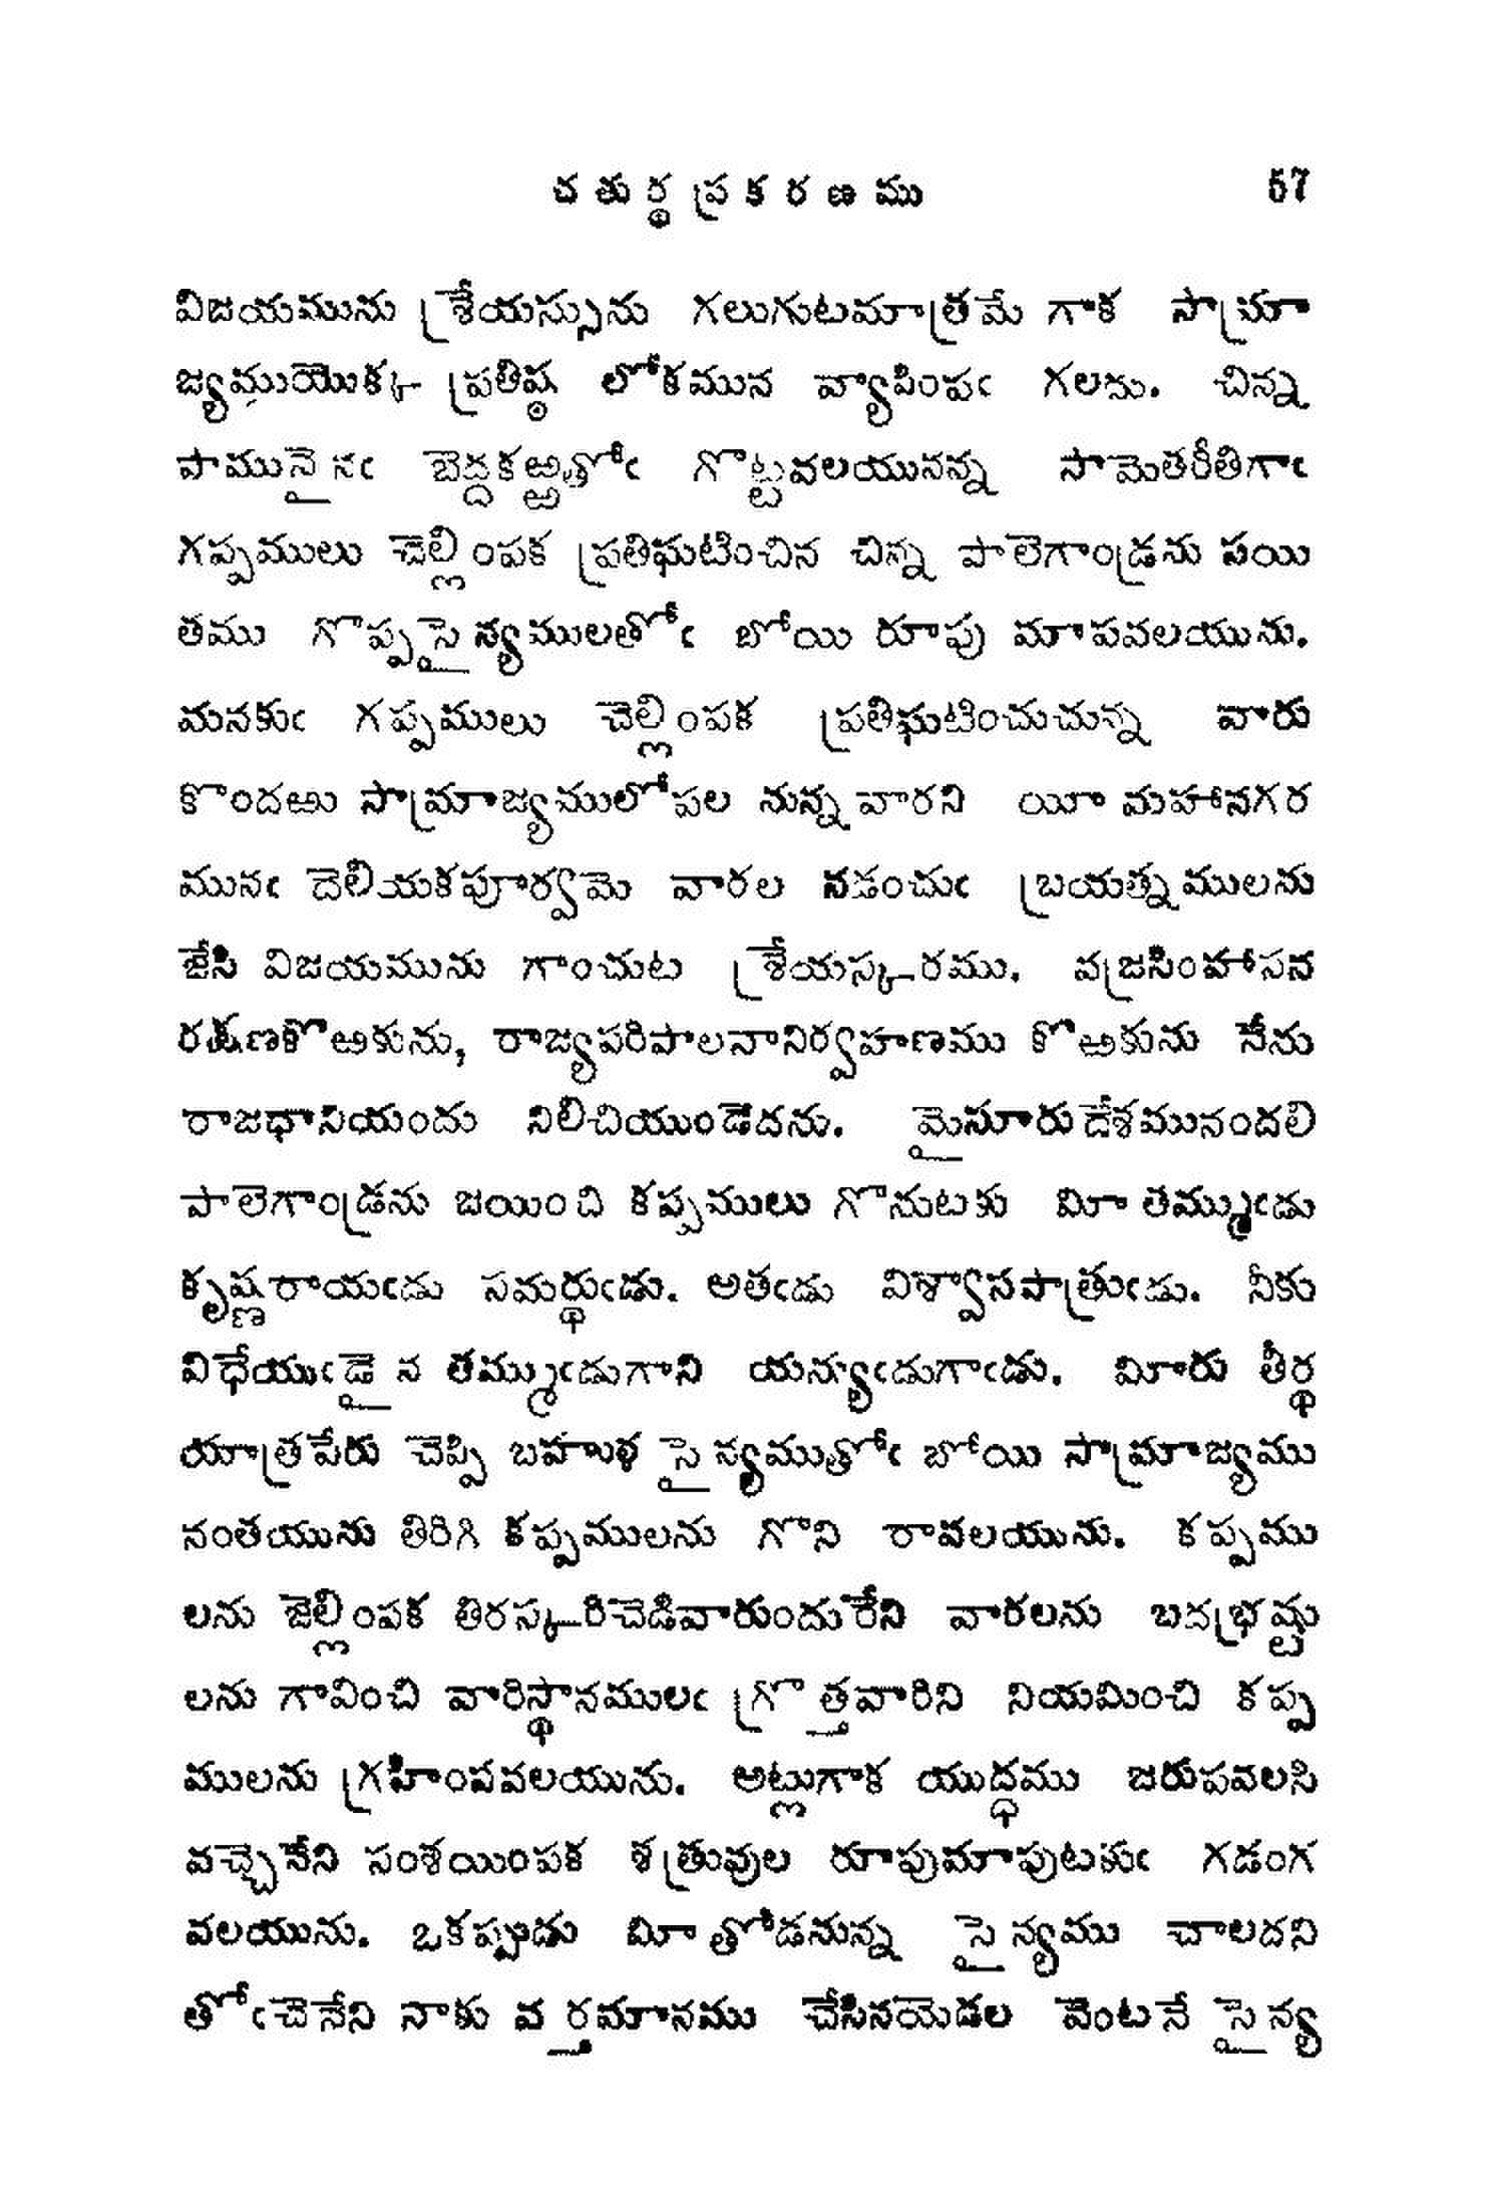విజయమును శ్రేయస్సును గలుగుటమాత్రమే గాక సామ్రాజ్యముయొక్క ప్రతిష్ఠ లోకమున వ్యాపింపఁ గలదు. చిన్నపామునైనఁ బెద్దకఱ్ఱతోఁ గొట్టవలయునన్న సామెతరీతిగాఁ గప్పములు చెల్లింపక ప్రతిఘటించిన చిన్న పాలెగాండ్రను సయితము గొప్పసైన్యములతో, బోయి రూపు మాపవలయును. మనకుఁ గప్పములు చెల్లింపక ప్రతిఘటించుచున్న వారు కొందఱు సామ్రాజ్యములోపల నున్నవారని యీమహానగరమునఁ దెలియకపూర్వమె వారల నడంచుఁ బ్రయత్నములను జేసి విజయమును గాంచుట శ్రేయస్కరము. వజ్రసింహాసన రక్షణకొఱకును, రాజ్యపరిపాలనానిర్వహణము కొఱకును నేను రాజధానియందు నిలిచియుండెదను. మైసూరు దేశమునందలి పాలెగాండ్రను జయించి కప్పములు గొనుటకు మీ తమ్ముఁడు కృష్ణరాయఁడు సమర్ధుఁడు. అతఁడు విశ్వాసపాత్రుఁడు. నీకు విధేయుఁడైన తమ్ముఁడుగాని యన్యుఁడుగాఁడు. మీరు తీర్థయాత్రపేరు చెప్పి బహుళ సైన్యముతోఁ బోయి సామ్రాజ్యము నంతయును తిరిగి కప్పములను గొని రావలయును. కప్పములను జెల్లింపక తిరస్కరించెడివారుందురేని వారలను బదభ్రష్టులను గావించి వారిస్థానములఁ గ్రొత్తవారిని నియమించి కప్పములను గ్రహింపవలయును. అట్లుగాక యుద్ధము జరుపవలసి వచ్చెనేని సంశయింపక శత్రువుల రూపుమాపుటకుఁ గడంగ వలయును. ఒకప్పుడు మీతోడనున్న సైన్యము చాలదని తోఁచెనేని నాకు వర్తమానము చేసినయెడల వెంటనే సైన్య